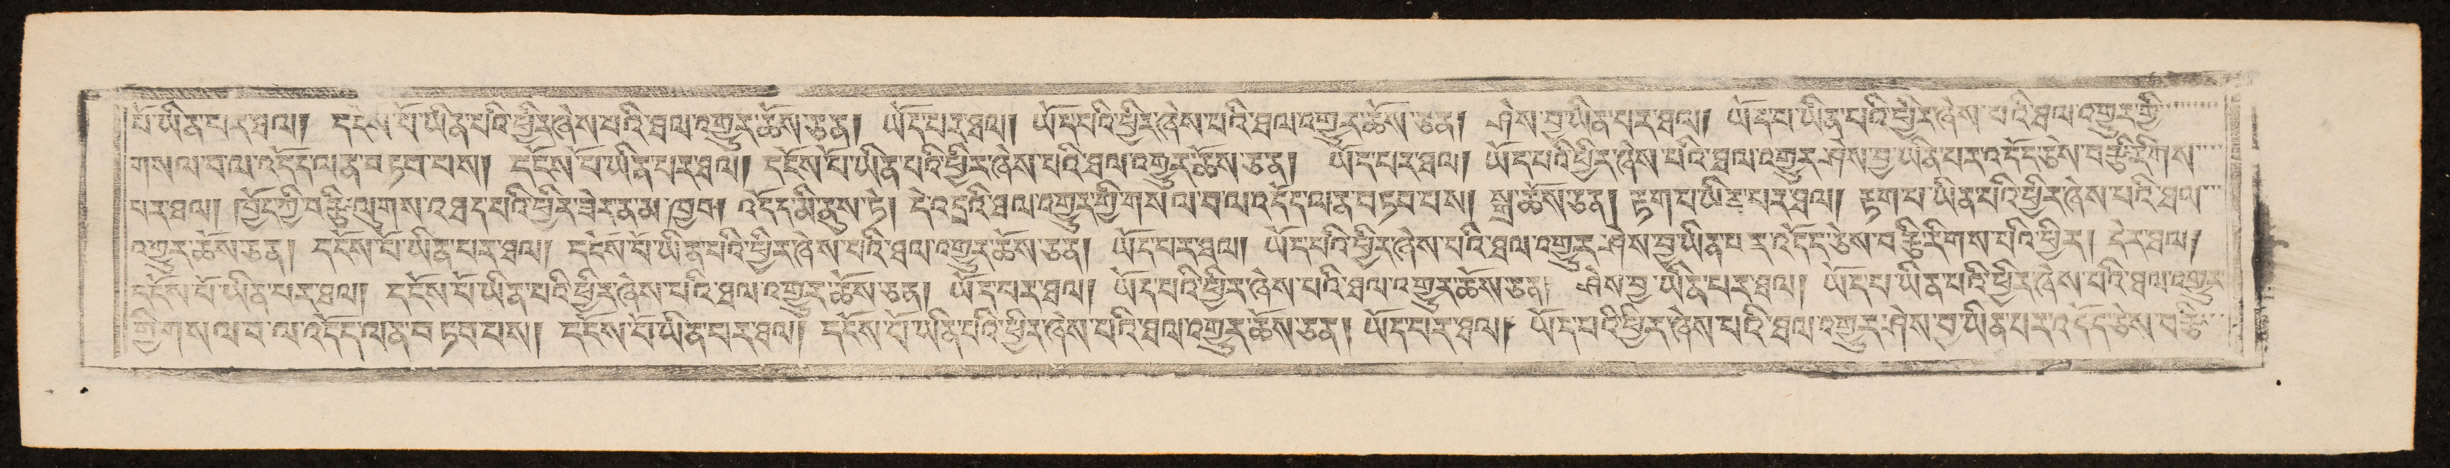པོ་ཡིན་པར་ཐལ། དངོས་པོ་ཡིན་པའི་ཕྱིར་ཞེས་པའི་ཐལ་འགྱུར་ཆོས་ཅན། ཡོད་པར་ཐལ། ཡོད་པའི་ཕྱིར་ཞེས་པའི་ཐལ་འགྱུར་ཆོས་ཅན། ཤེས་བྱ་ཡིན་པར་ཐལ། ཡོད་པ་ཡིན་པའི་ཕྱིར་ཞེས་པའི་ཐལ་འགྱུར་གྱི་
གསལ་བ་ལ་འདོད་ལན་བཏབ་པས། དངོས་པོ་ཡིན་པར་ཐལ། དངོས་པོ་ཡིན་པའི་ཕྱིར་ཞེས་པའི་ཐལ་འགྱུར་ཆོས་ཅན། ཡོད་པར་ཐལ། ཡོད་པའི་ཕྱིར་ཞེས་པའི་ཐལ་འགྱུར་ཤེས་བྱ་ཡིན་པར་འདོད་ཅེས་བརྩི་རིགས་
པར་ཐལ། ཁྱོད་ཀྱི་བརྩི་ལུགས་འཐད་པའི་ཕྱིར་ཟེར་ན་མ་ཁྱབ། འདོད་མི་ནུས་ཏེ། དེ་འདྲའི་ཐལ་འགྱུར་གྱི་གསལ་བ་ལ་འདོད་ལན་བཏབ་པས། སྒྲ་ཆོས་ཅན། རྟག་པ་ཡིན་པར་ཐལ། རྟག་པ་ཡིན་པའི་ཕྱིར་ཞེས་པའི་ཐལ་
འགྱུར་ཆོས་ཅན། དངོས་པོ་ཡིན་པར་ཐལ། དངོས་པོ་ཡིན་པའི་ཕྱིར་ཞེས་པའི་ཐལ་འགྱུར་ཆོས་ཅན། ཡོད་པར་ཐལ། ཡོད་པའི་ཕྱིར་ཞེས་པའི་ཐལ་འགྱུར་ཤེས་བྱ་ཡིན་པར་འདོད་ཅེས་བརྩི་རིགས་པའི་ཕྱིར། དེར་ཐལ།
དངོས་པོ་ཡིན་པར་ཐལ། དངོས་པོ་ཡིན་པའི་ཕྱིར་ཞེས་པའི་ཐལ་འགྱུར་ཆོས་ཅན། ཡོད་པར་ཐལ། ཡོད་པའི་ཕྱིར་ཞེས་པའི་ཐལ་འགྱུར་ཆོས་ཅན། ཤེས་བྱ་ཡིན་པར་ཐལ། ཡོད་པ་ཡིན་པའི་ཕྱིར་ཞེས་པའི་ཐལ་འགྱུར་
གྱི་གསལ་བ་ལ་འདོད་ལན་བཏབ་པས། དངོས་པོ་ཡིན་པར་ཐལ། དངོས་པོ་ཡིན་པའི་ཕྱིར་ཞེས་པའི་ཐལ་འགྱུར་ཆོས་ཅན། ཡོད་པར་ཐལ། ཡོད་པའི་ཕྱིར་ཞེས་པའི་ཐལ་འགྱུར་ཤེས་བྱ་ཡིན་པར་འདོད་ཅེས་བརྩི་